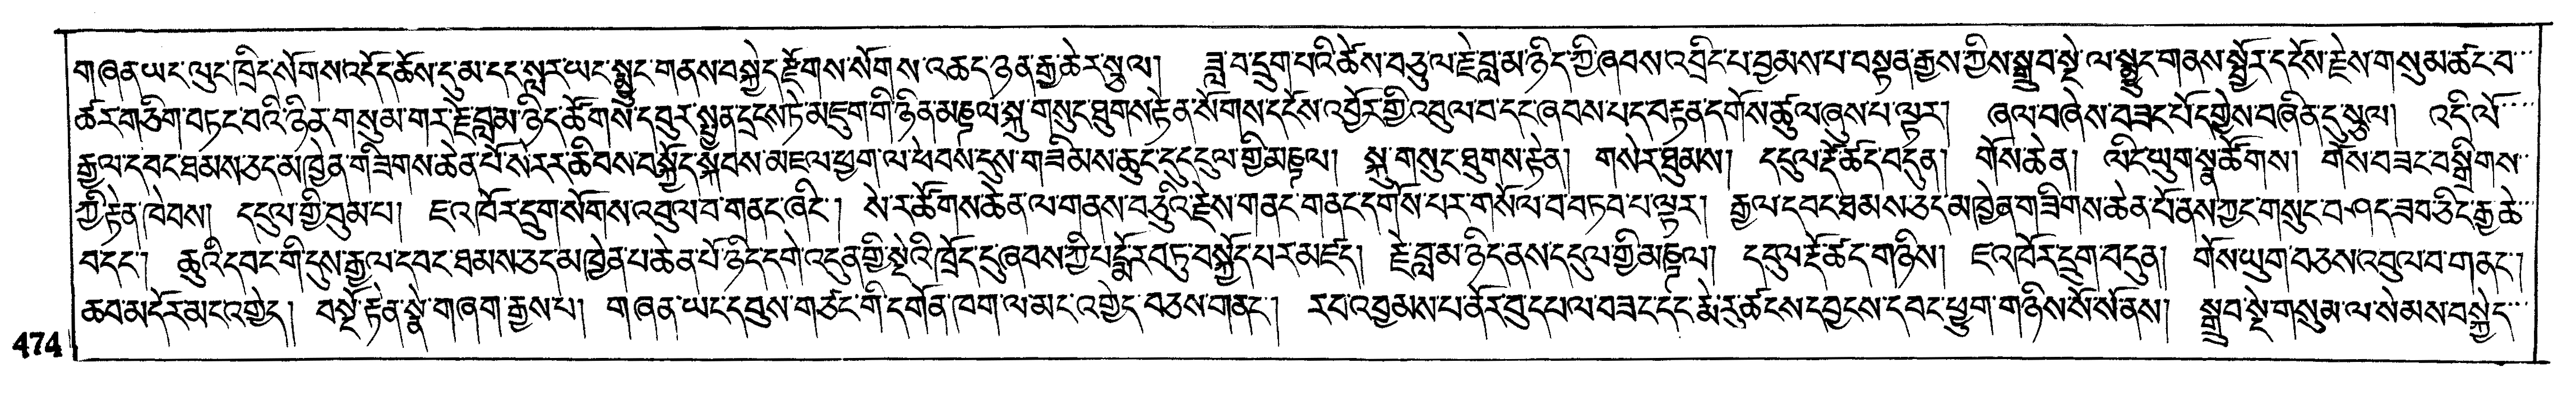གཞན་ཡང་ལུང་ཁྲིད་སོགས་འདོད་ཆོས་དུ་མ་དང་སླར་ཡང་སྨྱུང་གནས་བསྐྱེད་རྫོགས་སོགས་འཆད་ཉན་རྒྱ་ཆེར་སྩལ། ཟླ་བ་དྲུག་པའི་ཚེས་བཅུ་ལ་རྗེ་བླ་མ་ཉིད་ཀྱི་ཞབས་འབྲིད་པ་བྱམས་པ་བསྟན་རྒྱས་ཀྱིས་སྒྲུབ་སྡེ་ལ་སྨྱུང་གནས་སྦྱོར་དངོས་རྗེས་གསུ་མ་ཚང་བ་
ཚར་གཅིག་བཏང་བའི་ཉིན་གསུམ་གར་རྗེ་བླ་མ་ཉིད་ཚོགས་དབུར་སྤྱན་དྲངས་ཏེ་མཇུག་གི་ཉིན་མཎྜལ་།སྐུ་གསུང་ཐུགས་རྟེན་སོགས་དངོས་འབྱོར་གྱི་འབུལ་བ་དང་ཞབས་པད་བརྟན་དགོས་ཚུལ་ཞུས་པ་ལྟར། ཞལ་བཞེས་བཟང་པོ་དགྱེས་བཞིན་དུ་སྩལ། འདི་ལོ་
རྒྱལ་དབང་ཐམས་ཅད་མཁྱེན་གཟིགས་ཆེན་བོ་སེ་རར་ཆིབས་བསྐྱོད་སྐབས་མཇལ་ཕྱག་ལ་ཕེབས་དུས་གཟིམས་ཆུང་དུ་དངུལ་གྱི་མཎྜལ། སྐུ་གསུང་ཐུགས་རྟེན། གསེར་ཐུམས། དངུལ་རྡོ་ཚད་བདུན། གོས་ཆེན། ལིང་ཡུག་སྣ་ཚོགས། གོས་བཟང་བསྒྲིགས་
ཀྱི་རྟེན་ཁེབས། དངུལ་གྱི་བུམ་པ། ཇ་འཁོར་དྲུག་སོགས་འབུལ་བ་གནང་ཞིང་། སེ་ར་ཚོགས་ཆེན་ལ་གནས་བཅུའི་རྗེས་གནང་གནང་དགོས་པར་གསོལ་བ་བཏབ་པ་ལྟར། རྒྱལ་དབང་ཐམས་ཅད་མཁྱེན་གཟིགས་ཆེན་པོ་ནས་ཀྱང་གསུང་བཤད་ཟབ་ཅིང་རྒྱ་ཆེ་
བ་དང་། ཆུའི་དབང་གི་དུས་རྒྱལ་དབང་ཐམས་ཅད་མཁྱེན་པ་ཆེན་པོ་ཉིད་དགེ་འདུན་གྱི་སྡེའི་ཁྲོད་དུ་ཞབས་ཀྱི་པདམོ་རབ་ཏུ་བསྐྱོད་པར་མཛད། རྗེ་བླ་མ་ཉིད་ནས་དངུལ་གྱི་མཎྜལ། དངུལ་རྡོ་ཚད་གཉིས། ཇ་འཁོར་དྲུག་བདུན། གོས་ཡུག་བཅས་འབུལ་བ་གནང་།
ཆབ་མདོར་མང་འགྱེད། བསྔོ་རྟེན་སྣེ་གཞག་རྒྱས་པ། གཞན་ཡང་དབུས་གཙང་གི་དགོན་ཁག་ལ་མང་འགྱེད་བཅས་གནང་། རབ་འབྱམས་པ་ནོར་བུ་དཔལ་བཟང་དང་རྨེ་རུ་ཚངས་དབྱངས་དབང་ཕྱུག་གཉིས་སོ་སོ་ནས། སྒྲུབ་སྡེ་གསུམ་ལ་སེམས་བསྐྱེད་